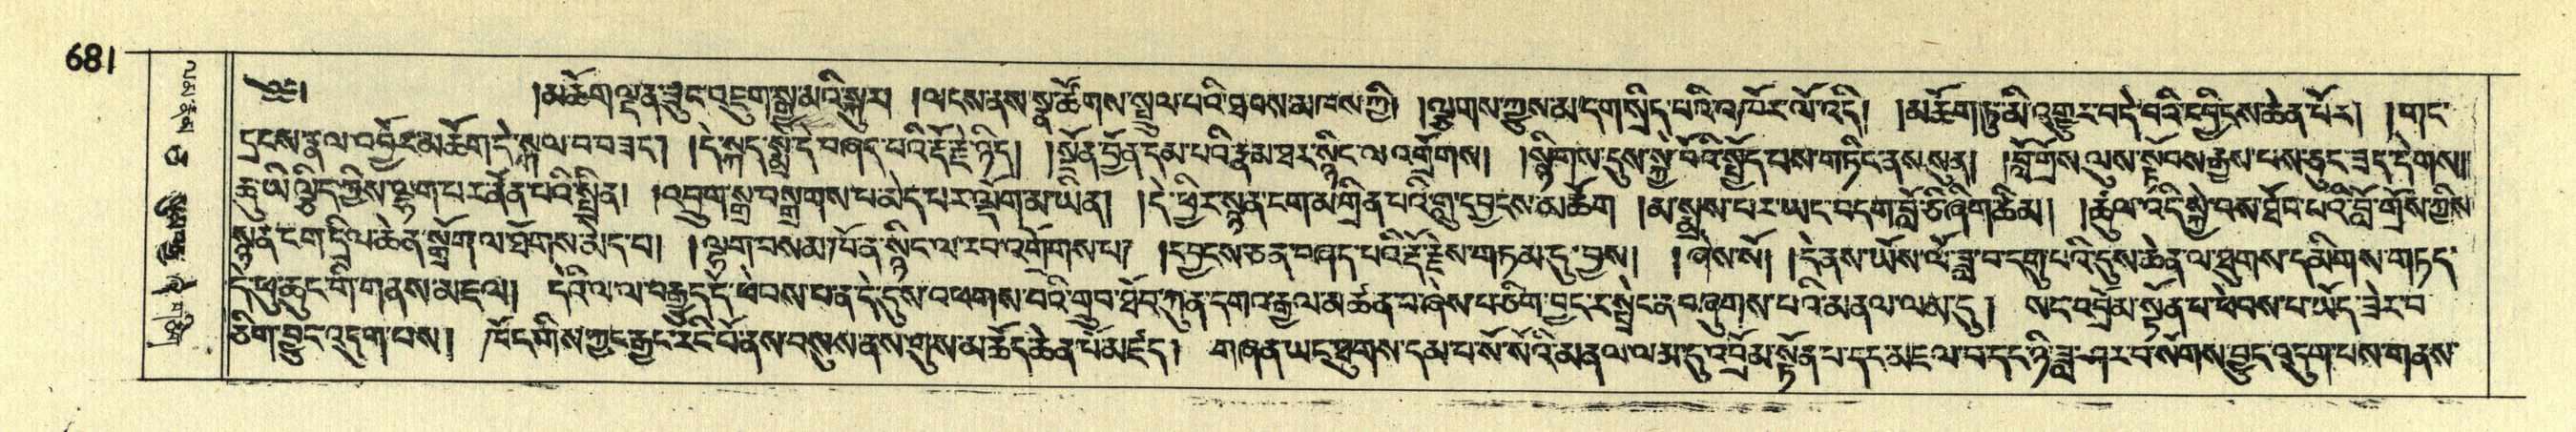༄༅། །མཆོག་ལྡན་ཟུང་འཇུག་སྒྱུ་མའི་སྐུར། །ལངས་ནས་སྣ་ཚོགས་སྤྲུལ་པའི་ཐབས་མཁས་ཀྱི། །ལྕགས་ཀྱུས་མ་དག་སྲིད་པའི་འཁོར་ལོ་འདི། །མཆོག་ཏུ་མི་འགྱུར་བདེ་བའི་དབྱིངས་ཆེན་པོར། །གང་
དྲངས་རྣལ་འབྱོར་མཆོག་དེ་སྐལ་བཟང་། །དེ་སྐད་སྨྲ་དེ་བཞད་པའི་རྡོ་རྗེ་ཉིད། །སྔོན་བྱོན་དམ་པའི་རྣམ་ཐར་སྙིང་ལ་འགྲོགས། །སྙིགས་དུས་སྐྱེ་བོའི་སྤྱོད་པས་གཏིང་ནས་སུན། །བློ་གྲོས་ལུས་སྟོབས་རྒྱས་པས་ཅུང་ཟད་དེགས།
ཆུ་ཡི་ལྕིད་ཀྱིས་ལྷག་པར་ནོན་པའི་སྤྲིན། །འབྲུག་སྒྲ་བསྒྲགས་པ་མེད་པར་ལྡོག་མ་ཡིན། །དེ་ཕྱིར་སྙན་ངག་མགྲིན་པའི་གླུ་དབྱངས་མཆོག །མ་སྨྲས་པར་ཡང་བདག་བློ་ཅི་ཞིག་ཚིམ། །ཚུལ་འདི་སྐྱེ་བས་ཐོབ་པའི་བློ་གྲོས་ཀྱིས་
སྙན་ངག་དྲིལ་ཆེན་སྒྲོག་ལ་ཐོགས་མེད་པ། །ལྷག་བསམ་ཁོ་ན་སྙིང་ལ་རབ་འགྲོགས་པ། །དབྱངས་ཅན་བཞད་པའི་རྡོ་རྗེས་གཏམ་དུ་བྱས། །ཞེས་སོ། །དེ་ནས་ཡོས་ལོ་ཟླ་བ་དགུ་པའི་དུས་ཆེན་ལ་ཐུགས་དམིགས་གཏད་
དེ་ཕུན་ཆུང་གི་གནས་མཇལ། དེའི་ལ་ལ་བརྒྱུད་དེ་ཕེབས་པ་ན་དེ་དུས་འཕགས་པའི་གྲུབ་ཐོབ་ཀུན་དགའ་རྒྱལ་མཚན་བཞེས་པ་ཅིག་བྱང་ར་སྤྲེང་ན་བཞུགས་པའི་མནལ་ལམ་དུ། སང་འབྲོམ་སྟོན་པ་ཕེབས་པ་ཡོད་ཟེར་བ་
ཅིག་བྱུང་འདུག་པས། ཁོང་གིས་ཀྱང་རྒྱང་རིང་པོ་ནས་བསྡུས་ནས་གུས་མཆོད་ཆེན་པོ་མཛད། གཞན་ཡང་ཐུགས་དམ་པ་སོ་སོའི་མནལ་ལམ་དུ་འབྲོམ་སྟོན་པ་དང་མཇལ་བ་དང་ཉི་ཟླ་ཤར་བ་སོགས་བྱུང་དུག་པས་གནས་